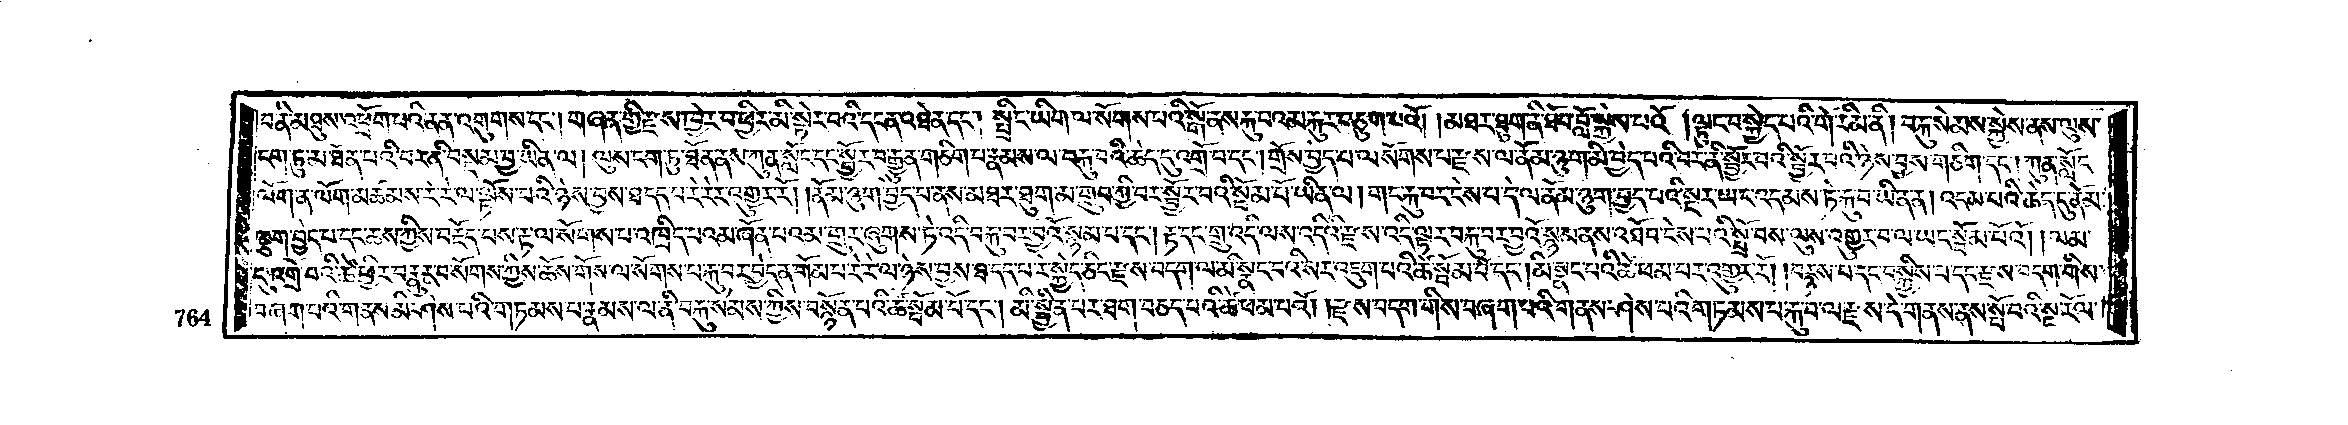བ་ནི་མཐུས་འཕྲོག་པའི་ནན་འགུགས་དང་། གཞན་གྱི་རྫས་ཁྱེར་བ་ཕྱིར་མི་སྟེར་བའི་དང་ན་འཐེན་དང་། སྤྲིང་ཡིག་ལ་སོགས་པའི་སྒོ་ནས་རྐུ་བའམ་རྐུར་བཅུག་པའོ། །མཐར་ཐུག་ནི་ཐོབ་བློ་སྐྱེས་པའོ་།ལྟུང་བ་སྐྱེད་པའི་གོ་རིམ་ནི། བརྐུ་སེམས་སྐྱེས་ནས་ལུས་
ངག་ཏུ་མ་ཐོན་པའི་བར་ནི་བསྡམ་བྱ་ཡིན་ལ། ལུས་ངག་ཏུ་ཐོན་ནས་ཀུན་སློང་དང་སྦྱོར་བ་རྒྱུན་གཅིག་པ་རྣམས་ལ་བརྐུ་བའི་ཆེད་དུ་འགྲོ་བ་དང་། གྲོས་བྱེད་པ་ལ་སོགས་པ་རྫས་ལ་ནོམ་ཉུག་མི་བྱེད་པའི་བར་ནི་སྦྱོར་བའི་སྦྱོར་བའི་ཉེས་བྱས་གཅིག་དང་། ཀུན་སློང་
ལོག་ན་ལོག་མཚམས་རེ་རེ་ལ་ལྟོས་པའི་ཉེས་བྱས་ཐ་དད་པ་རེ་རེར་འགྱུར་རོ། །ནོམ་ཉུག་བྱེད་པ་ནས་མཐར་ཐུག་མ་གྲུབ་ཀྱི་བར་སྦྱོར་བའི་སྦོམ་པོ་ཡིན་ལ། གང་རྐུ་བར་ངེས་པ་དེ་ལ་ནོམ་ཉུག་བྱང་པའི་སྔར་ཡང་འདམས་ཏེ་རྐུ་བ་ཡིན་ན། འདམ་པའི་ཆེད་དུ་ནོམ་
ལྕག་བྱེད་པ་དང་ཆས་ཀྱིས་བརྔོད་པས་རྟ་ལ་སོགས་པ་འཁྲིད་པའམ་ཞོན་པའམ་གྲུར་ཞུགས་ཏེ་འདི་བརྐུ་བར་བྱའོ་སྙམ་པ་དང་། རྟ་དང་གྲུ་འདི་ལས་འདིའི་རྫས་འདི་ལྟར་བརྐུ་བར་བྱའོ་སྙམ་ནས་འཐོབ་ངེས་པའི་སྤྲོ་བས་ལུས་འགྱུར་བ་ལ་ཡང་སྦོམ་པོའོ། །ལམ་
དུ་འགྲོ་བའི་ཚེ་ཕྱིར་བརྣུར་བ་སོགས་ཀྱིས་ཆོས་གོས་ལ་སོགས་པ་རྐུ་བར་བྱེད་ན་གོམ་པ་རེ་རེ་ལ་ཉེས་བྱས་ཐ་དད་པ་རེ་སྐྱེད་ཅིང་རྫས་བདག་ལ་མི་སྣང་ངའི་སར་འཇུག་པའི་ཚེ་སྦོམ་པོ་དང་། མི་སྣང་བའི་ཚེ་ཕམ་པར་འགྱུར་རོ། །བརྙས་པ་དང་བསྐྱིས་པ་དང་རྫས་བདག་གིས་
བཞག་པའི་གནས་མི་ཤེས་པའི་གཏམས་པ་རྣམས་ལ་ནི་བརྐུ་སེམས་ཀྱིས་བསྙོན་པའི་ཚེ་སྦོམ་པོ་དང་། མི་སྦྱིན་པར་ཐག་བཅད་པའི་ཚེ་ཕམ་པའོ། །རྫས་བདག་གིས་བཞག་པའི་གནས་ཤེས་པའི་གཏམས་པ་རྐུ་བ་ལ་རྫས་དེ་གནས་ནས་སྤོ་བའི་སྔ་རོལ་